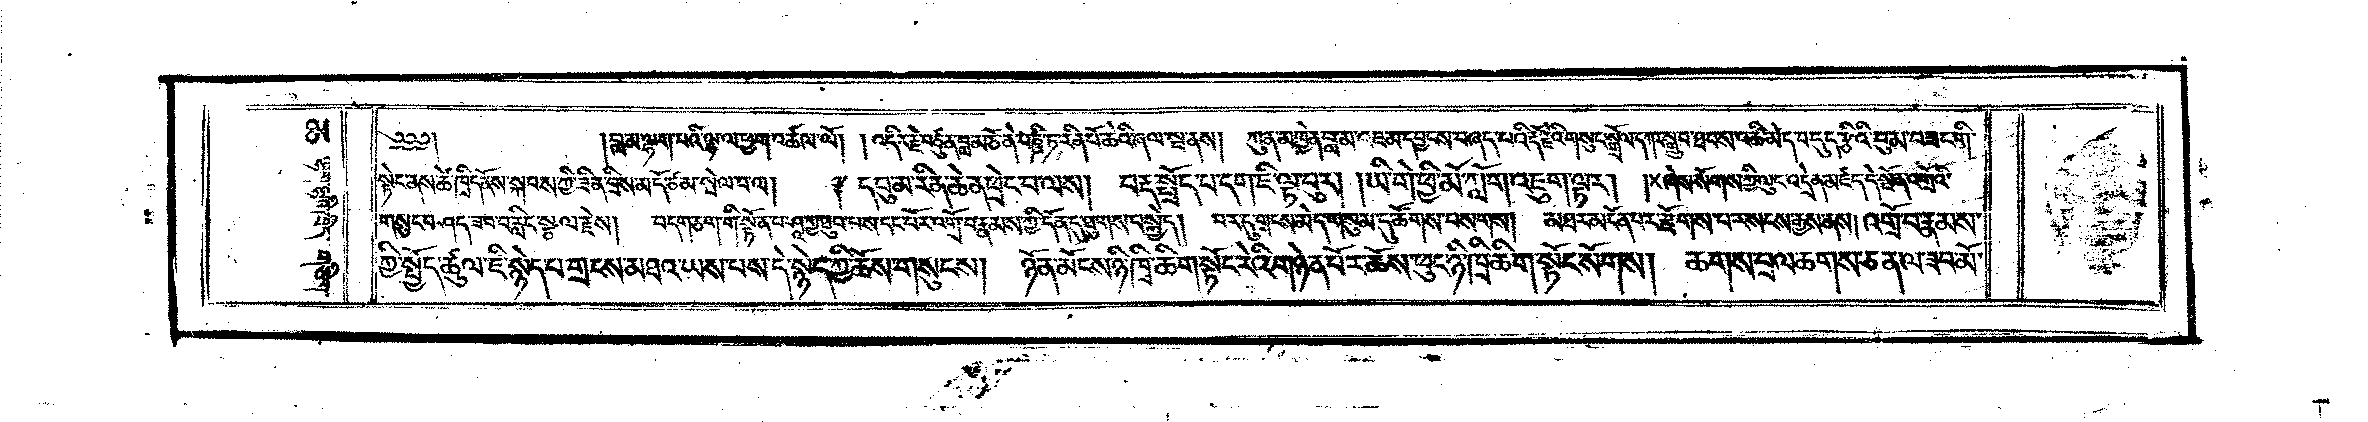༄༅༅། །བླ་མ་ལྷག་པའི་ལྷ་ལ་ཕྱག་འཚལ་ལོ། །འདིར་རྗེ་བཙུན་བླ་མ་ཅོ་ནེ་པཎྜི་ཏ་རིན་པོ་ཆེའི་ཞལ་སྔ་ནས། ཀུན་མཁྱེན་བླ་མ་འཇམ་དབྱངས་བཞད་པའི་རྡོ་རྗེའི་གསུང་སྒྲོལ་དཀར་སྒྲུབ་ཐབས་འཆི་མེད་བདུད་རྩིའི་བུམ་བཟང་གི་
སྟེང་ནས་ཚེ་ཁྲིད་ནོས་སྐབས་ཀྱི་ཟིན་བྲིས་མདོ་ཙམ་སྤེལ་བ་ལ། ༈ དབུ་མ་རིན་ཆེན་ཕྲེང་བ་ལས། བརྡ་སྤྲོད་པ་དག་ཇི་ལྟ་བུར། །ཡི་གེ་ཕྱི་མོ་ཀློག་འཇུག་ལྟར། །྾་ཞེས་སོགས་ཀྱི་ལུང་འདྲེན་མཛད་དེ་སྔོན་འགྲོའི་
གསུང་བཤད་ཟབ་བརླིང་སྩལ་རྗེས། བདག་ཅག་གི་སྟོན་པ་ཤཱཀྱ་ཐུབ་པས་དང་པོར་འགྲོ་བ་རྣམས་ཀྱི་དོན་དུ་ཐུགས་བསྐྱེད། བར་དུ་གྲངས་མེད་གསུམ་དུ་ཚོགས་བསགས། མཐར་མངོན་པར་རྫོགས་པར་སངས་རྒྱས་ནས། འགྲོ་བ་རྣམས་
ཀྱི་སྤྱོད་ཚུལ་ཇི་སྙེད་པ་གྲངས་མཐའ་ཡས་པས་དེ་སྙེད་ཀྱི་ཆོས་གསུངས། ཉོན་མོངས་ཉི་ཁྲི་ཆིག་སྟོང་རེའི་གཉེན་པོར་ཆོས་ཕུང་ཉི་ཁྲི་ཆིག་སྟོང་སོགས། ཆགས་བྲལ་ཆགས་ཅན་ལ་ཟབ་མོ་